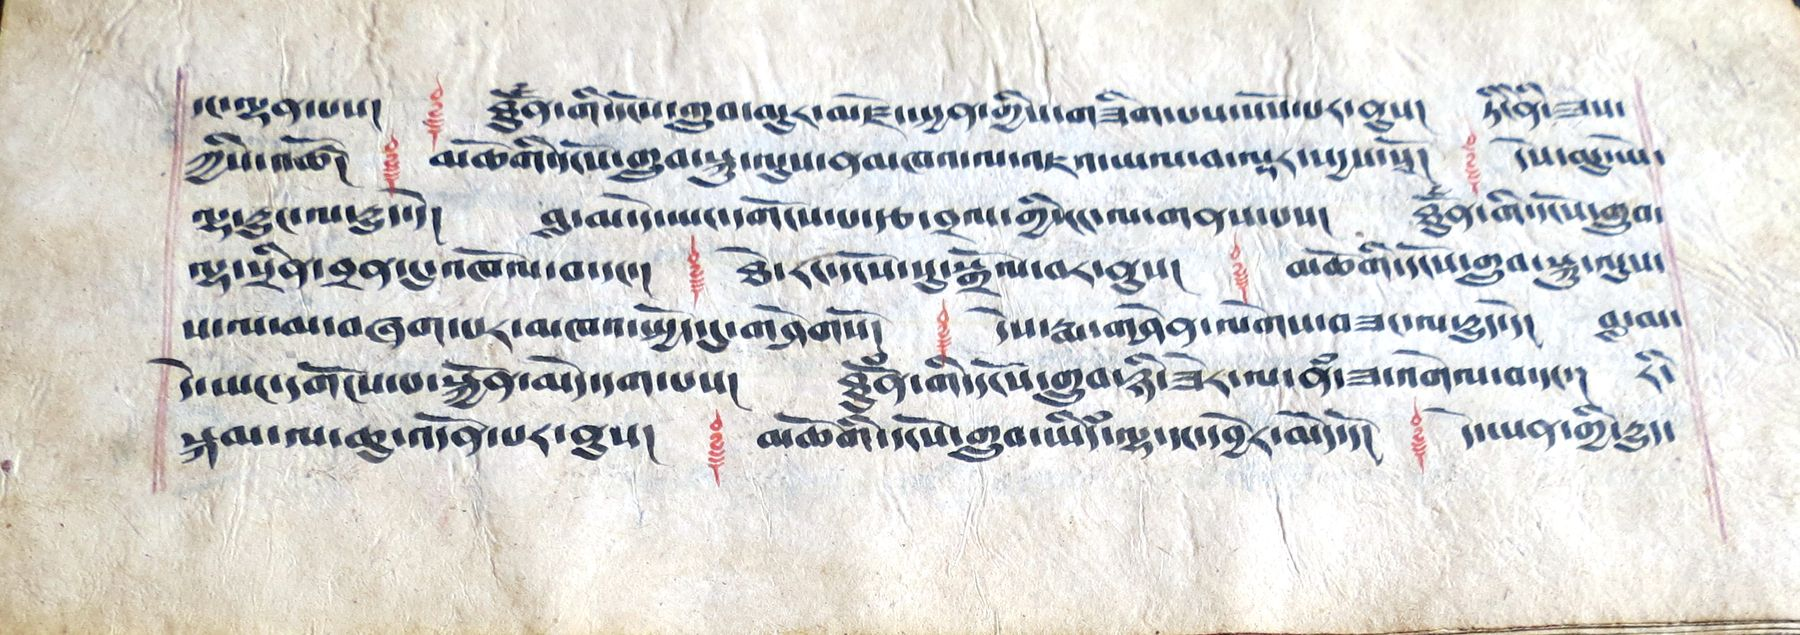དང་ལྡན་པས། ཐུན་མོང་གི་དངོས་གྲུབ་མུར་མཛེ་སྤྱན་གྱིས་གཟིགས་པས་སོས་ནུས། ཏིང་ངེ་འཛིན་གྱི་ཟས་
ཀྱིས་འཚོ། མཆོག་གི་དངོས་གྲུབ་སྐུ་ལུས་ནམ་མཁའ་ལ་འཇའ་ཡལ་བ་ལྟར་སངས་རྒྱས་སོ། ། དེས་མུ་ཡེ་
ལྷ་རྒྱུང་ལ་བརྒྱུད་དེ། བླ་མ་དེ་ཡང་དགོངས་པ་རྩ་བྲལ་གྱི་ངང་ལ་གནས་པས། ཐུན་མོང་དངོས་གྲུབ་
ལྷ་སྲིན་བྲན་དུ་འཁོལ་བ་དང་། ཐེལ་རང་དངོས་སུ་སྒྲོལ་བར་ནུས། མཆོག་གི་དངོས་གྲུབ་སྐུ་ལུས་
ས་ལ་མ་བཞག་པར་མཁའ་སྤྱོད་དུ་གཤེགས་སོ། ། དེས་རྨ་གཤེན་ལེགས་བཟང་ལ་བརྒྱུད་དེ། བླ་མ་
དེ་ཡང་དགོངས་པ་སྐྱོན་མེད་དག་པས། ཐུན་མོང་གི་དངོས་གྲུབ་ཉི་ཟེར་ལ་ན་བཟའ་འགེལ་བ་དང་། རི་
སྐམས་ལ་ཆུ་འདོན་པར་ནུས། མཆོག་གི་དངོས་གྲུབ་ཡི་དམ་ལྷ་དང་དབྱེར་མེད་དོ། ། དེ་ཡན་གྱི་བརྒྱུད་